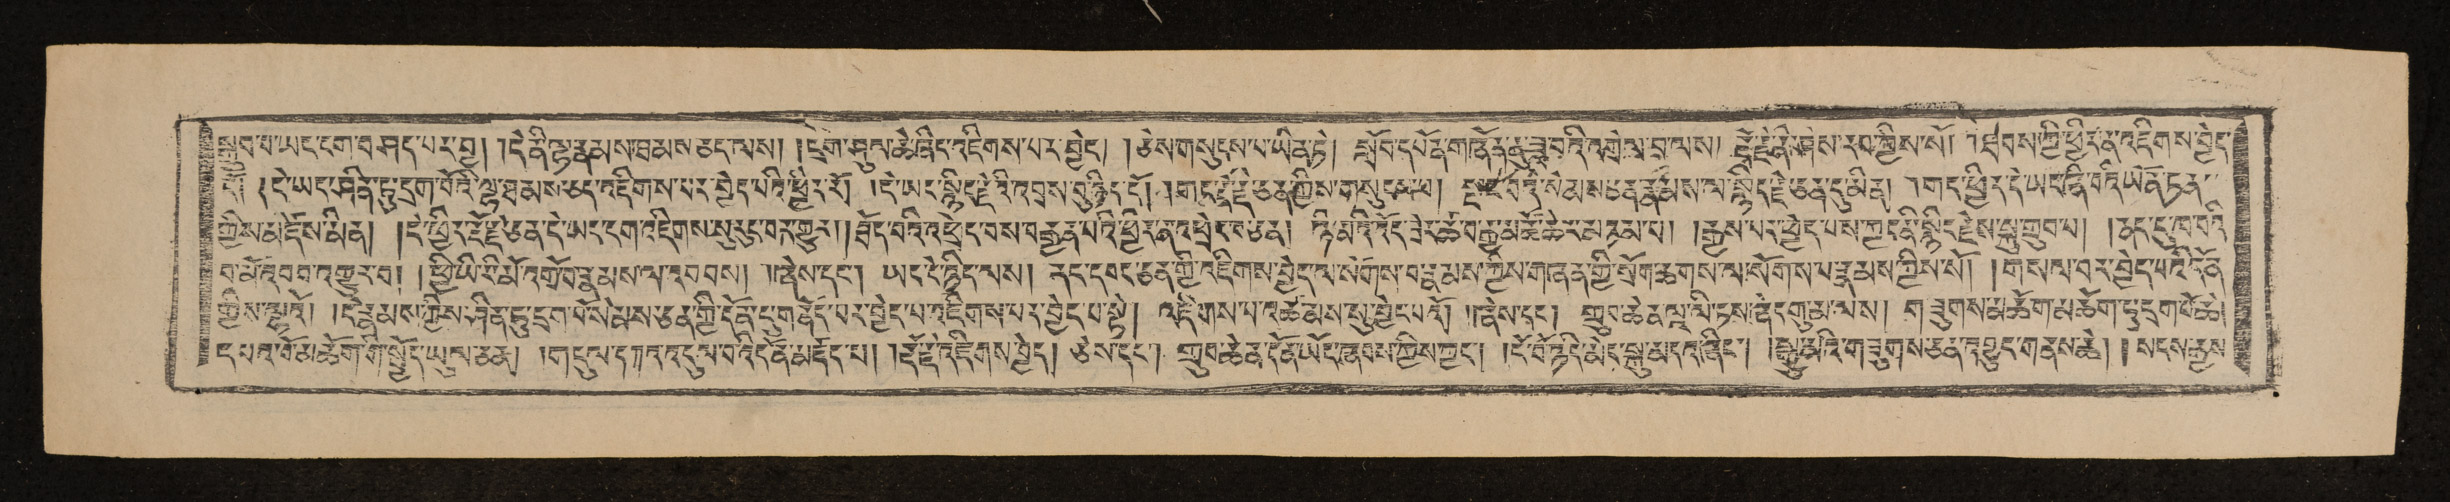སྒྲུབ་པ་ཡང་དག་བཤད་པར་བྱ། །དེ་ནི་ལྷ་རྣམས་ཐམས་ཅད་ལས། །དྲག་ཤུལ་ཆེ་ཞིང་འཇིགས་པར་བྱེད། །ཅེས་གསུངས་པ་ཡིན་ཏེ། སློབ་དཔོན་གཞོན་ནུ་ཟླ་བའི་འགྲེལ་པ་ལས། རྡོ་རྗེ་ནི་ཤེས་རབ་ཀྱིས་སོ། །ཐབས་ཀྱི་ཕྱིར་ན་འཇིགས་བྱེད་
དོ༑ ༑དེ་ཡང་ཤིན་ཏུ་དྲག་པོའི་ལྷ་ཐམས་ཅད་འཇིགས་པར་བྱེད་པའི་ཕྱིར་རོ། །དེ་ཡང་སྙིང་རྗེའི་འབྲས་བུ་ཉིད་དོ། །གང་རྡོ་རྗེ་ཅན་གྱིས་གསུངས་པ། སྡང་བའི་སེམས་ཅན་རྣམས་ལ་སྙིང་རྗེ་ཅན་དུ་མིན། །གང་ཕྱིར་དེ་ཡང་ཞི་བའི་ཡོན་ཏན་
གྱིས་མཛེས་མིན། །དེ་ཕྱིར་རྡོ་རྗེ་ཅན་དེ་ཡང་དག་འཇིགས་སུ་རུང་བར་གྱུར། །ཐོད་པའི་འཕྲེང་པས་བརྒྱན་པའི་ཕྱིར་ན་འཕྲེང་བ་ཅན། ཉི་མའི་འོད་ཟེར་ཚ་བ་རྒྱ་མཚོ་ཆེར་མཉམ་པ། །རྒྱས་པར་བྱེད་པས་ཀྱང་ནི་སྙིང་རྗེས་སྐུ་གྲུབ་པ། །ནང་དུ་ཁ་བའི་
ཕ་མོ་འབབ་འགྱུར་བ། །ཕྱི་ཡི་རི་མོ་འགྲོ་བ་རྣམས་ལ་འབབས། །ཞེས་དང་། ཡང་དེ་ཉིད་ལས། རང་དབང་ཅན་གྱི་འཇིགས་བྱེད་ལ་སོགས་པ་རྣམས་ཀྱིས་གཞན་གྱི་སྲོག་ཆགས་ལ་སོགས་པ་རྣམས་ཀྱིས་སོ། །གསལ་བར་བྱེད་པའི་དོན་
གྱིས་ལྷའོ། །དེ་རྣམས་ཀྱིས་ཤིན་ཏུ་དྲག་པོ་སེམས་ཅན་གྱི་དོན་དུ་གནོད་པར་བྱེད་པ་འཇིགས་པར་བྱེད་པ་སྟེ། འཇིགས་པ་འཚམས་སུ་བྱེད་པའོ། །ཞེས་དང་། གྲུབ་ཆེན་ལཱ་ལི་ཏས་ཞེ་དགུ་མ་ལས། གཟུགས་མཆོག་མཆོག་ཏུ་དྲག་པོ་ཆེ།།
དཔའ་བོ་མཆོག་གི་སྤྱོད་ཡུལ་ཅན། །གདུལ་དཀའ་འདུལ་བའི་དོན་མཛད་པ། །རྡོ་རྗེ་འཇིགས་བྱེད། ཅེས་དང་། གྲུབ་ཆེན་དོན་ཡོད་ཞབས་ཀྱིས་ཀྱང་། ངོ་བོ་ཉིད་མེད་སྐུ་མངའ་ཞིང་། །སྒྱུ་མའི་གཟུགས་ཅན་འབྱུང་གནས་ཆེ། །སངས་རྒྱས་